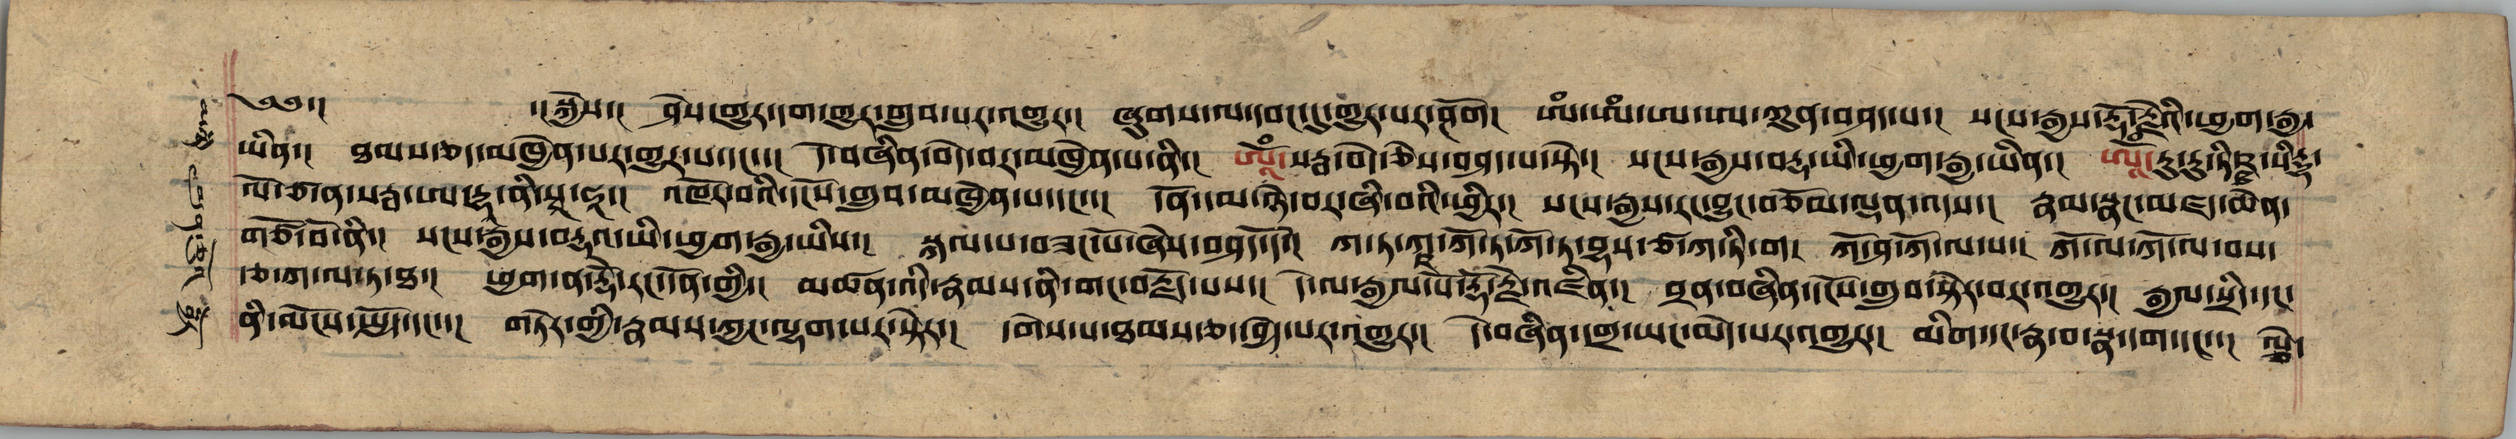༄༅་། ་།སྐྱེས་། ཤེས་གྱུར་དག་གྱུར་གྲུབ་པར་འགྱུར་། ཞུགས་ལ་དབང་དུ་གྱུར་པར་ཤོག། ཨཾ་ཨཾ་ཨ་ཨ་ཀུན་བཤད་པ་། སངས་རྒྱས་རྡོ་རྗེའི་ཕྱག་རྒྱ་
ཡིན་། ཐམས་ཅད་མཁྱེན་པར་གྱུར་པ་དང་་། དེ་བཞིན་བདེ་བར་མཁྱེན་པ་ནི་། ཨཱོཾ་སརྦ་བདེ་ཅེས་བཤད་པ་སྟེ་། སངས་རྒྱས་བརྡ་ཡི་ཕྱག་རྒྱ་ཡིན་། ཨཱོཾ་རུ་རུ་ཏིཥྛ་སིདྡྷ་
ལོ་ཙ་ན་སརྦ་ཨ་དྷ་ནི་སྭཱ་ཧཱ་། འཁོར་བའི་དངོས་གྲུབ་མཁྱེན་པ་དང་་། དོན་ལ་ཉེ་བར་ཞི་བའི་ཕྱིར་། སངས་རྒྱས་རང་བྱུང་བཅོམ་ལྡན་འདས་། རྣམ་སྣང་མཛད་ཆེན་
གཙོ་བོ་ནི་། སངས་རྒྱས་བརྡའ་ཡི་ཕྱག་རྒྱ་ཡིས་། སྐལ་པ་བཟང་པོ་ཞེས་བཤད་དོ་། ཀ་ཏ་ཀྵ་ཀོ་ཏ་ཀོ་ཏ་བྷས་ཙ་ཀ་ཏི་ག། ཀོ་ཤ་ཀོ་ལ་ས་། ཀོ་ལ་ཀོ་ལ་བས་
རྩ་ཀ་ལ་ཏ་ཐ་། ཕྱག་ན་རྡོེ་རང་དོན་གྱི་། མཚན་འདི་རྣམས་ནི་གང་བརྗོད་པས་། དེ་ལ་རྒྱལ་པོ་རྡོ་རྗེ་འཛིན་། བྲན་བཞིན་དངོས་གྲུབ་སྟེར་བར་འགྱུར་། རྒྱལ་སྲིད་དང་
ནི་ལོངས་སྤྱོད་དང་་། གཏེར་གྱི་རྣམས་ཀྱང་ལྷག་པར་སྟེར་། དགེས་པ་ཐམས་ཅད་དབྱེད་པར་འགྱུར་། དེ་བཞིན་དགྲ་ཡང་མཻད་པར་འགྱུར་། མིག་དང་རྣ་བ་སྣ་དག་དང་་། ལྕེ་